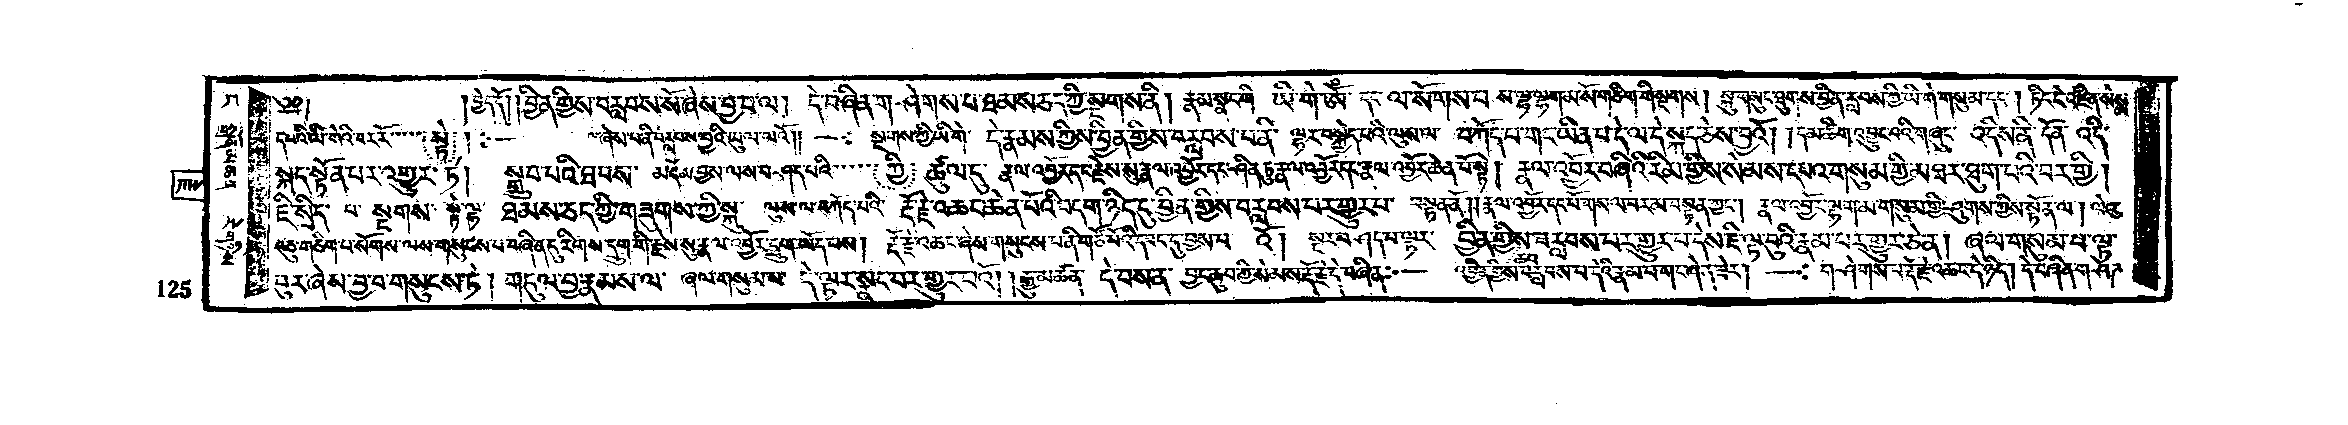༄༅། །བྱེད་དོ། །བྱིན་གྱིས་བརླབས་སོ་ཞེས་བྱ་བ་ལ། དེ་བཞིན་གཤེགས་པ་ཐམས་ཅད་ཀྱི་སྔགས་ནི། རྣམ་སྣང་གི་ཡི་གེ་ཨོཾ་དང་ལ་སོགས་པ་ས་ལྷ་ལྷག་མ་སོ་གཅིག་གི་སྔགས། སྐུ་གསུང་ཐུགས་བྱིན་རླབས་ཀྱི་ཡི་གེ་གསུམ་དང་། ཏིང་ངེ་འཛིན་སེམས་
དཔའི་ཡི་གེའི་བར་རོ་སྟེ། ༧ཞེས་པ་ནི་བརླབ་བྱའི་ཡུལ་ལའོ།། སྔགས་ཀྱི་ཡི་གེ་དེ་རྣམས་ཀྱིས་བྱིན་གྱིས་བརླབས་པ་ནི་ལྷར་བསྐྱེད་པའི་ལུས་ལ་བཀོད་པ་གང་ཡིན་པ་དེ་ལ་དེ་སྐད་ཅེས་བྱའོ། །དམ་ཚིག་འབྱུང་བའི་གཞུང་འདིས་ནི་དོན་འདི་
སྐད་སྟོན་པར་འགྱུར་ཏེ། སྒྲུབ་པའི་ཐབས་མདོར་བྱས་ལས་བཤད་པའི་ཀྱི་ཚུལ་དུ་རྣལ་འབྱོར་དང་རྗེས་སུ་རྣལ་འབྱོར་དང་ཤིན་ཏུ་རྣལ་འབྱོར་དང་རྣལ་འབྱོར་ཆེན་པོ་སྟེ། རྣལ་འབྱོར་བཞིའི་རིམ་གྱིས་སེམས་དཔའ་གསུམ་གྱི་མཐར་ཐུག་པའི་བར་གྱི།
ཇི་སྲིད་པ་སྔགས་སྟེ་ལྷ་ཐམས་ཅད་ཀྱི་གཟུགས་ཀྱི་སྐུ་ལུས་ལ་བཀོད་པའི་རྡོ་རྗེ་འཆང་ཆེན་པོའི་བདག་ཉིད་དུ་བྱིན་གྱིས་བརླབས་པར་གྱུར་པ་བསྟན་ནོ། །རྣལ་འབྱོར་དང་པོ་གསལ་བར་མ་བསྟན་ཀྱང་། རྣལ་འབྱོར་ལྷག་མ་གསུམ་གྱི་ཤུགས་ཀྱིས་སྟོན་ལ། ལེའུ་
བཅུ་གཅིག་པ་སོགས་ལས་གསུངས་པ་བཞིན་དུ་རིགས་དྲུག་གི་རྗེས་སུ་རྣལ་འབྱོར་དྲུག་ཡོད་པས། རྡོ་རྗེ་འཆང་ཞེས་གསུངས་པ་ནི་གཙོ་བོའི་དབང་དུ་བྱས་པའོ། སྔར་བཤད་པ་ལྟར་བྱིན་གྱིས་བརླབས་པར་གྱུར་པ་དེས་ཇི་ལྟ་བུའི་རྣམ་པར་གྱུར་ཅེ་ན། ཞལ་གསུམ་པ་ལྟ་
བུར་ཞེས་བྱ་བ་གསུངས་ཏེ། གདུལ་བྱ་རྣམས་ལ་ཞལ་གསུམ་པ་དེ་ལྟར་སྣང་བར་གྱུར་པའོ། །རྒྱུ་མཚན་དེ་བས་ན་བྱང་ཆུབ་ཀྱི་སེམས་རྡོ་རྗེ་དེ་བཞིན་བྱིན་གྱིས་བརླབས་པ་དེའི་རྣམ་པ་གང་ཞེན་ཟེར། གཤེགས་པ་རྡོ་རྗེ་འཆང་དེ་ཉིད། དེ་བཞིན་གཤེགས་